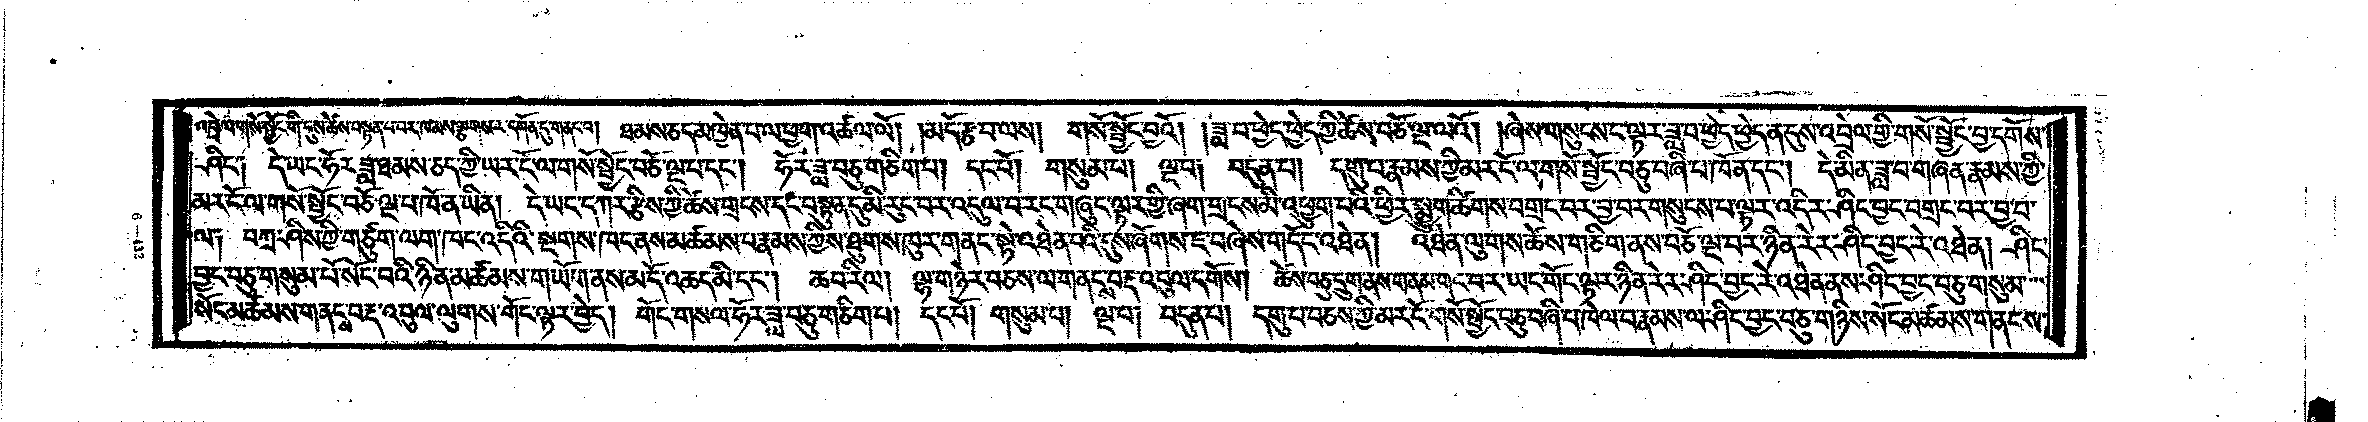འབྲེལ་བ་གསོ་སྦྱོང་གི་དུས་ཚེས་བསྟན་པ་བར་ཁམས་ལྕགས་ར་དགོན་དུ་གནང་བ།  ཐམས་ཅད་མཁྱེན་པ་ལ་ཕྱག་འཚལ་ལོ། །མདོ་རྩ་བ་ལས། གསོ་སྦྱོང་བྱའོ། །ཟླ་བ་ཕྱེད་ཕྱེད་ཀྱི་ཚེས་བཅོ་ལྔ་ལའོ། །ཞེས་གསུངས་པ་ལྟར་ཟླ་བ་ཕྱེད་ཕྱེད་ན་དུས་འབྲེལ་གྱི་གསོ་སྦྱོང་བྱ་དགོས་
ཤིང༑ དེ་ཡང་ཧོར་ཟླ་ཐམས་ཅད་ཀྱི་ཡར་ངོ་ལ་གསོ་སྦྱོང་བཅོ་ལྔ་པ་དང་། ཧོར་ཟླ་བཅུ་གཅིག་པ། དང་པོ། གསུམ་པ། ལྔ་པ། བདུན་པ། དགུ་བ་རྣམས་ཀྱི་མར་ངོ་ལ་གསོ་སྦྱོང་བཅུ་བཞི་པ་ཁོ་ན་དང་། དེ་མིན་ཟླ་བ་གཞན་རྣམས་ཀྱི་
མར་ངོ་ལ་གསོ་སྦྱོང་བཅོ་ལྔ་པ་ཁོ་ན་ཡིན། དེ་ཡང་དཀར་རྩིས་ཀྱི་ཚེས་གྲངས་དང་བསྟུན་དུ་མི་རུང་བར་འདུལ་བ་རང་གཞུང་ལྟར་གྱི་ཞག་གྲངས་མི་འཕྱུག་བའི་ཕྱིར་སྨྱུག་ཚིགས་བགྲང་བར་བྱ་བར་གསུངས་པ་ལྟར་འདིར་ཤིང་བྱང་བགྲང་བར་བྱ་བ་
ལ༑ བཀྲ་ཤིས་ཀྱི་གཙུག་ལག་ཁང་འདིའི་སྔགས་ཁང་ནས་མཚམས་པ་རྣམས་ཀྱིས་ཐུགས་ཁུར་གནང་སྟེ་འཐེན་པའི་དུས་ཞོགས་ཇ་བཞེས་གདོང་འཐེན། འཐེན་ལུགས་ཚེས་གཅིག་ནས་བཅོ་ལྔ་བར་ཉིན་རེར་ཤིང་བྱང་རེ་འཐེན། ཤིང་
བྱང་བཅུ་གསུམ་པོ་སོང་བའི་ཉིན་མཚམས་གཡོག་ནས་མདོ་འཆད་མི་དང་། ཆབ་རིལ། ལྷ་གཉེར་བཅས་ལ་གནངས་བརྡ་འབུལ་དགོས། ཚེས་བཅུ་དྲུག་ནས་གནམ་གང་བར་ཡང་གོང་ལྟར་ཉིན་རེར་ཤིང་བྱང་རེ་འཐེན་ནས་ཤིང་བྱང་བཅུ་གསུམ་
སོང་མཚམས་གནངས་བརྡ་འབུལ་ལུགས་གོང་ལྟར་བྱེད། གོང་གསལ་ཧོར་ཟླ་བཅུ་གཅིག་པ། དང་པོ། གསུམ་པ། ལྔ་བ། བདུན་པ། དགུ་པ་བཅས་ཀྱི་མར་ངོ་གསོ་སྦྱོང་བཅུ་བཞི་པ་ཁེལ་བ་རྣམས་ལ་ཤིང་བྱང་བཅུ་གཉིས་སོང་མཚམས་གནངས་